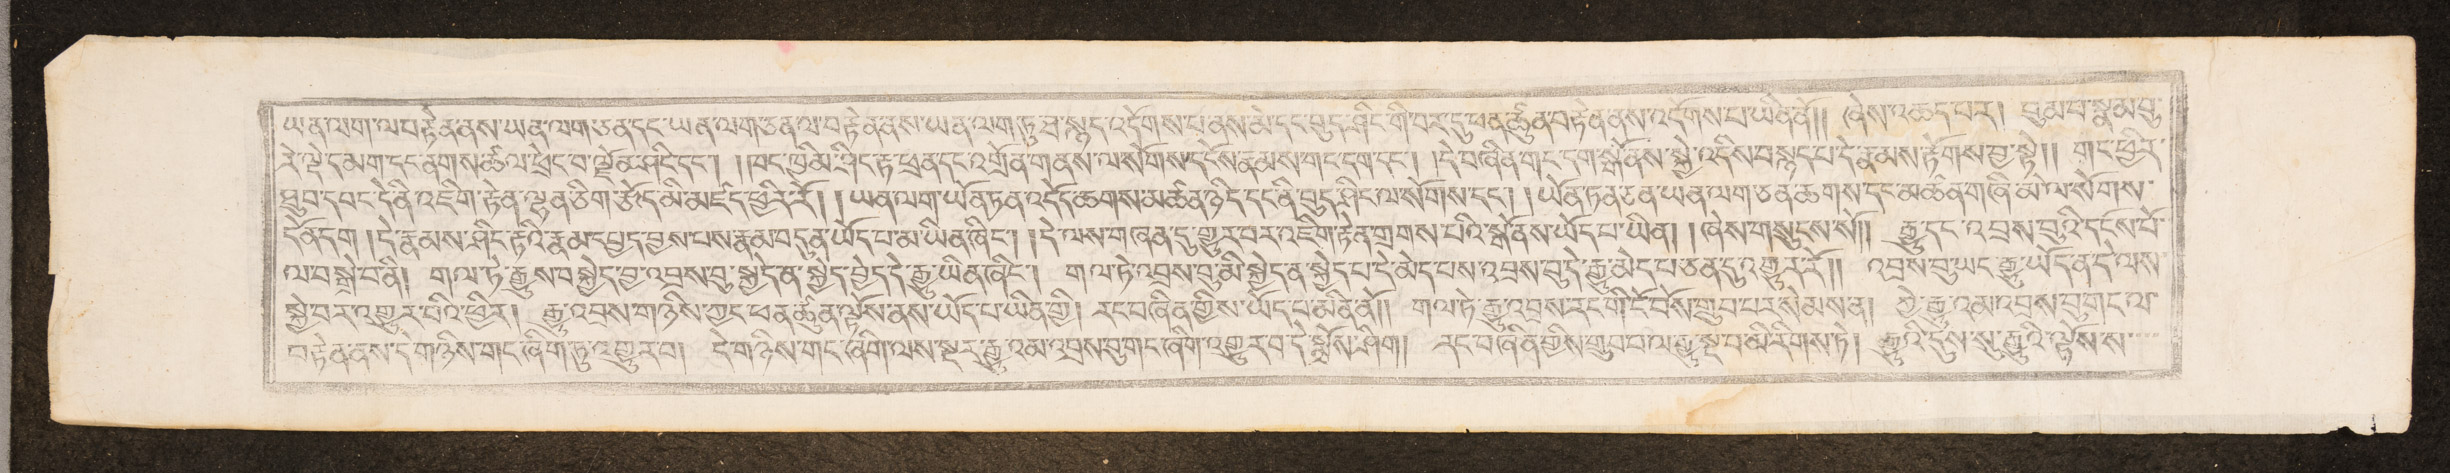ཡན་ལག་ལ་བརྟེན་ནས་ཡན་ལག་ཅན་དང་ཡན་ལག་ཅན་ལ་བརྟེན་ནས་ཡན་ལག་ཏུ་ཐ་སྙད་འདོགས་པ་ནས་མེད་དང་བུད་ཤིང་གི་བར་དུ་ཕན་ཚུན་བརྟེན་ནས་འདོགས་པ་ཡིན་ནོ།། ཞེས་འཆད་པར། བུམ་པ་སྣམ་བུ་
རེ་ལྡེ་དམག་དང་ནགས་ཚལ་ཕྲེང་བ་ལྗོན་ཤིང་དང་། །ཁང་ཁྱིམ་ཤིང་རྟ་ཕྲན་དང་འགྲོན་གནས་ཁ་སོགས་དངོས་རྣམས་གང་དག་དང་། །དེ་བཞིན་གང་དག་སྒོ་ནས་སྐྱེ་འདིས་བསྙད་པ་དེ་རྣམས་རྟོགས་བྱ་སྟེ།། གང་ཕྱིར་
ཐུབ་དབང་དེ་ནི་འཇིག་རྟེན་ལྷན་ཅིག་རྩོད་མི་མཛད་ཕྱིར་རོ། །ཡན་ལག་ཡོན་ཏན་འདོད་ཆགས་མཚན་ཉིད་དང་ནི་བུད་ཤིང་ལ་སོགས་དང་། །ཡོན་ཏན་ཅན་ཡན་ལག་ཅན་ཆགས་དང་མཚན་གཞི་མེ་ལ་སོགས་
དོན་དག །དེ་རྣམས་ཤིང་རྟའི་རྣམ་དྶྤྱད་བྱས་པས་རྣམ་བདུན་ཡོད་པ་མ་ཡིན་ཞིང་། །དེ་ལས་གཞན་དུ་གྱུར་བར་འཇིག་རྟེན་གྲགས་པའི་སྒོ་ནས་ཡོད་པ་ཡིན། །ཞེས་གསུངས་སོ།། རྒྱུ་དང་འབྲས་བུའི་དངོས་པོ་
ལ་བསྒྲེ་བ་ནི། གལ་ཏེ་རྒྱུས་བསྐྱེད་བྱ་འབྲས་བུ་སྐྱེད་ན་སྐྱེད་བྱེད་དེ་རྒྱུ་ཡིན་ཞིང་། གལ་ཏེ་འབྲས་བུ་མི་སྐྱེད་ན་སྐྱེད་པ་དེ་མེད་པས་འབྲས་བུ་དེ་རྒྱུ་མེད་པ་ཅན་དུ་འགྱུར་རོ།། འབྲས་བུ་ཡང་རྒྱུ་ཡོད་ན་དེ་ལས་
སྐྱེ་བར་འགྱུར་བའི་ཕྱིར། རྒྱུ་འབྲས་གཉིས་ཀྱང་ཕན་ཚུན་ལྟོས་ནས་ཡོད་པ་ཡིན་གྱི། རང་བཞིན་གྱིས་ཡོད་པ་མིན་ནོ།། གལ་ཏེ་རྒྱུ་འབྲས་རང་གི་ངོ་བོས་གྲུབ་པར་སེམས་ན། ཀྱེ་རྒྱུ་འམ་འབྲས་བུ་གང་ལ་
བརྟེན་ནས་དེ་གཉིས་གང་ཞིག་ཏུ་འགྱུར་བ། དེ་གཉིས་གང་ཞིག་ལས་སྔར་རྒྱུ་འམ་འབྲས་བུ་གང་ཞིག་འགྱུར་བ་དེ་སྨྲོས་ཤིག། རང་བཞིན་གྱིས་གྲུབ་པ་ལ་རྒྱུ་སྔ་བ་མི་རིགས་ཏེ། རྒྱུའི་དུས་སུ་རྒྱུའི་ལྟོས་ས་